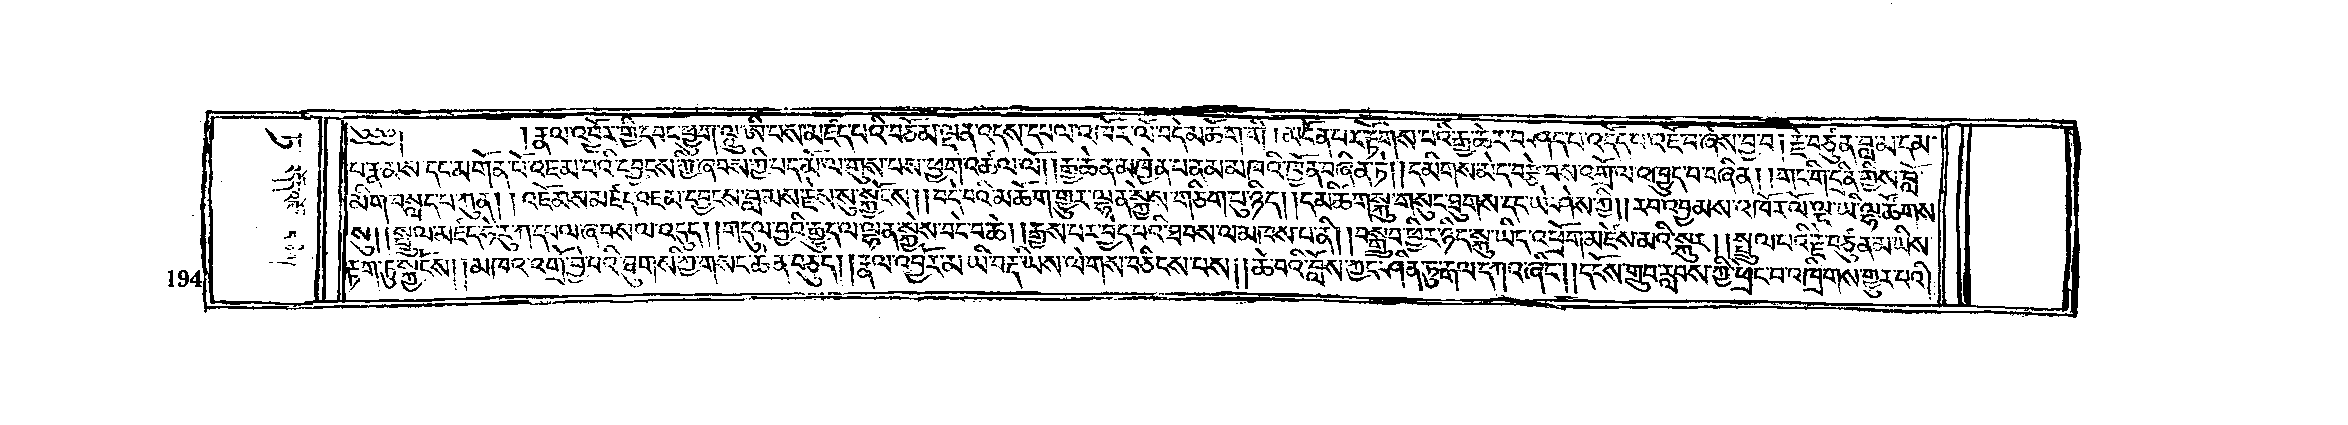༄༅༅། །རྣལ་འབྱོར་གྱི་དབང་ཕྱུག་ལཱུ་ཨི་པས་མཛད་པའི་བཅོམ་ལྡན་འདས་དཔལ་འཁོར་ལོ་བདེ་མཆོག་གི། མངོན་པར་རྟོགས་པའི་རྒྱ་ཆེར་བཤད་པ་འདོད་པ་འཇོ་བ་ཞེས་བྱ་བ། རྗེ་བཙུན་བླ་མ་དམ་
པ་རྣམས་དང་མགོན་པོ་འཇམ་པའི་དབྱངས་ཀྱི་ཞབས་ཀྱི་པད་མོ་ལ་གུས་པས་ཕྱག་འཚལ་ལོ། །རྒྱ་ཆེན་མཁྱེན་པ་ནམ་མཁའི་ཁྱོན་བཞིན་ཏེ། །དམིགས་མེད་བརྩེ་བས་འགྲོ་ལ་འཁྱུད་པ་བཞིན། །གང་གི་དྲིན་གྱིས་བློ་
མིག་བསླད་པ་ཀུན། །འཇོམས་མཛད་འཇམ་དབྱངས་བླ་མས་རྗེས་སུ་སྐྱོངས། །བདེ་བའི་མཆོག་གྱུར་ལྷན་སྐྱེས་གཅིག་པུ་ཉིད། །དམ་ཚིག་སྐུ་གསུང་ཐུགས་དང་ཡེ་ཤེས་ཀྱི། །རབ་འབྱམས་འཁོར་ལོ་ལྔ་ཡི་ལྷ་ཚོགས་
སུ། །སྤྲུལ་མཛད་ཧེ་རུ་ཀ་དཔལ་ཞབས་ལ་འདུད། །གདུལ་བྱའི་རྒྱུད་ལ་ལྷན་སྐྱེས་བདེ་བ་ཆེ། །རྒྱས་པར་བྱེད་པའི་ཐབས་ལ་མཁས་པ་ནི། །བསྒྲུབ་ཕྱིར་ཉིད་སྐུ་ཡིད་འཕྲོག་མཛེས་མའི་སྐུར། །སྤྲུལ་པའི་རྗེ་བཙུན་མ་ཡིས་
རྟག་ཏུ་སྐྱོངས། །མཁའ་འགྲོ་བྱེ་པའི་ཐུགས་ཀྱི་གསང་ཆེན་བཅུད། །རྣལ་འབྱོར་མ་ཡི་བརྡ་ཡིས་ལེགས་བཅིངས་པས། །ཆེ་བའི་བློས་ཀྱང་ཤིན་ཏུ་རྒལ་དཀའ་ཞིང་། །དངོས་གྲུབ་རླབས་ཀྱི་ཕྲེང་བ་འཁྲིགས་གྱུར་པའི། །